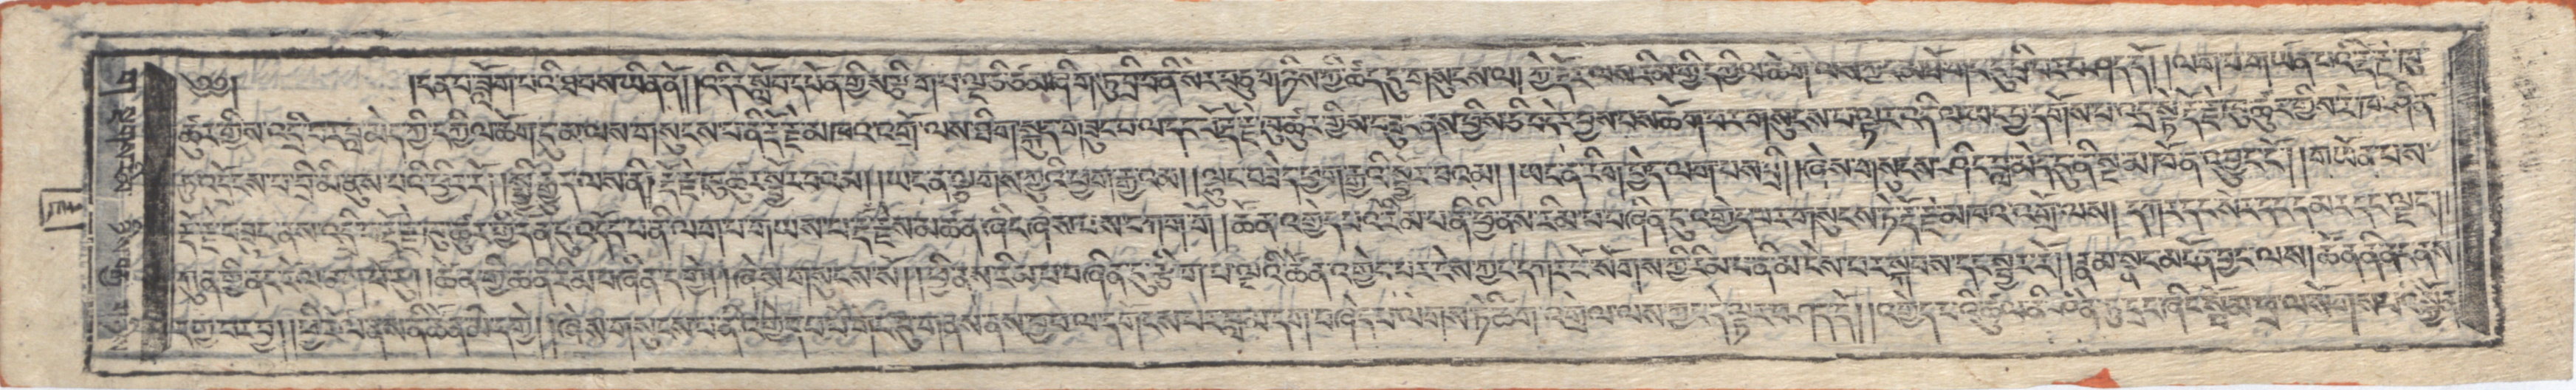༄༅། །ངན་པ་ཟློག་པའི་ཐབས་ཡིན་ནོ། །འདིར་སློབ་དཔོན་གྱིས་རྩིག་པ་ལྔ་ཅི་ཙམ་ཞིག་ཏུ་བྲི་བ་ནི་སེར་བཅུ་གཉིས་ཀྱི་ཚད་དུ་གསུངས་ལ། ཀྱེ་རྡོར་ལས་རིམ་གྱི་དཀྱིལ་ཆོག་ལས་ཀྱང་མཐོ་གང་དུ་བྲི་བར་བཤད་དོ། །ལག་པ་གཡོན་པའི་རྡོ་རྗེ་ཁུ་
ཚུར་གྱིས་འདྲི་བར་བླ་མེད་ཀྱི་དཀྱིལ་ཆོག་དུ་མ་ལས་གསུངས་པ་ནི་རྡོ་རྗེ་མཁའ་འགྲོ་ལས་ཐིག་སྐུད་གཟུང་བ་ལ་དང་པོ་རྡོ་རྗེ་ཁུ་ཚུར་གྱིས་བཟུང་ནས་ཕྱིས་ཅི་བདེར་བྱས་པས་ཆོག་པར་གསུངས་པ་ལྟར་འདི་ལ་ཡང་བྱ་དགོས་པ་འདྲ་སྟེ་རྡོ་རྗེ་ཁུ་ཚུར་གྱིས་རེ་ཁ་ཤིན་
ཏུ་འདྲོངས་པ་བྲི་མི་ནུས་པའི་ཕྱིར་རོ། །སྤྱི་རྒྱུད་ལས་ནི། རྡོ་རྗེ་ཁུ་ཚུར་སྦྱོར་བའམ། །ཡང་ན་ལྕགས་ཀྱུའི་ཕྱག་རྒྱ་འམ། །ལྷུང་བཟེད་ཕྱག་རྒྱའི་སྦྱོར་བའམ། །ཡང་ན་རིག་བྱེད་ལག་པས་བྲི། །ཞེས་གསུངས་ཤིང་བླ་མེད་དུ་ནི་སྔ་མ་ཁོ་ན་འབྱུང་ངོ། །གཡོན་པས་
རྡོ་རྗེ་བཟུང་ནས་འདྲི་བ་རྡོ་རྗེ་ཁུ་ཚུར་གྱི་དོན་དུ་འདོད་པ་ནི་ལག་པ་གཡས་པ་རྡོ་རྗེས་མཚན་ཞིང་ཞེས་པས་བཀག་གོ །ཚོན་འགྱེད་པའི་རིམ་པ་ནི་ཕྱི་ནས་རིམ་པ་བཞིན་དུ་འགྱེད་པར་གསུངས་ཏེ་རྡོ་རྗེ་མཁའ་འགྲོ་ལས། དཀར་དང་སེར་དང་དམར་དང་ལྗང་། །
ཀུན་གྱི་ནང་རོལ་ནག་པོ་རུ། །ཚོན་གྱི་ཆ་ནི་རིམ་བཞིན་དགྱེ། །ཞེས་གསུངས་སོ། །ཕྱི་ནས་རིམ་པ་བཞིན་དུ་རྩིག་པ་ལྔའི་ཚོན་འགྱེད་པར་ངེས་ཀྱང་དཀར་པོ་སོགས་ཀྱི་རིམ་པ་ནི་མ་ངེས་པར་སྐབས་དང་སྦྱར་རོ། །རྣམ་སྣང་མངོན་བྱང་ལས། ཚོན་ནི་ནང་ནས་
དགྱེ་བར་བྱ། །ཕྱི་རོལ་ནས་ནི་ཚོན་མི་དགྱེ། །ཞེས་གསུངས་པ་ནི་འགྱེད་པ་པོ་གང་དུ་གནས་ནས་བྱ་བ་ལ་དགོངས་པར་བླ་མ་དག་བཞེད་པ་ལེགས་ཏེ་ཚིག་འགྲེལ་ལས་ཀྱང་དེ་ལྟར་བཤད་དོ། །འགྱེད་པའི་ཚུལ་ནི་ཤིན་ཏུ་དྲང་ཞིང་སྦོམ་ཕྲ་ལ་སོགས་པའི་སྐྱོན་